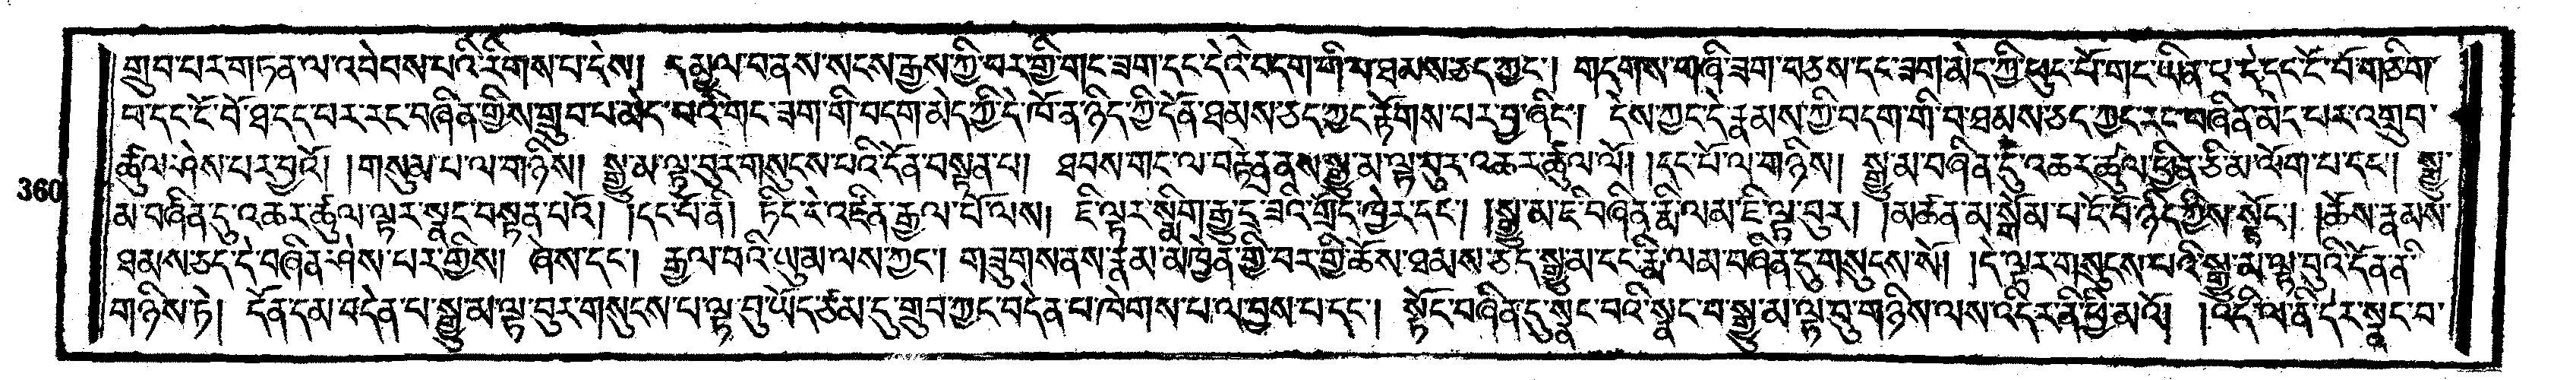གྲུབ་པར་གཏན་ལ་འབེབས་པའི་རིགས་པ་དེས། དམྱལ་བ་ནས་སངས་རྒྱས་ཀྱི་བར་གྱི་གང་ཟག་དང་དེའི་བདག་གི་པ་ཐམས་ཅད་ཀྱང་། གདགས་གཞི་ཟག་བཅས་དང་ཟག་མེད་ཀྱི་ཕུང་པོ་གང་ཡིན་པ་དེ་དང་ངོ་བོ་གཅིག་
པ་དང་ངོ་བོ་ཐ་དད་པར་རང་བཞིན་གྱིས་གྲུབ་པ་མེད་པའི་གང་ཟག་གི་བདག་མེད་ཀྱི་དེ་ཁོ་ན་ཉིད་ཀྱི་དོན་ཐམས་ཅད་ཀྱང་རྟོགས་པར་བྱ་ཞིང་། དེས་ཀྱང་དེ་རྣམས་ཀྱི་བདག་གི་བ་ཐམས་ཅད་ཀྱང་རང་བཞིན་མེད་པར་འགྲུབ་
ཚུལ་ཤེས་པར་བྱའོ། །གསུམ་པ་ལ་གཉིས། སྒྱུ་མ་ལྟ་བུར་གསུངས་པའི་དོན་བསྟན་པ། ཐབས་གང་ལ་བརྟེན་ནས་སྒྱུ་མ་ལྟ་བུར་འཆར་ཚུལ་ལོ། །དང་པོ་ལ་གཉིས། སྒྱུ་མ་བཞིན་དུ་འཆར་ཚུལ་ཕྱིན་ཅི་མ་ལོག་པ་དང་། སྒྱུ་
མ་བཞིན་དུ་འཆར་ཚུལ་ལྟར་སྣང་བསྟན་པའོ། །དང་པོ་ནི། ཏིང་ངེ་འཛིན་རྒྱལ་པོ་ལས། ཇི་ལྟར་སྨིག་རྒྱུ་དྲ་ཟའི་གྲོད་ཁྱེར་དང་། །སྒྱུ་མ་ཇི་བཞིན་རྨི་ལམ་ཇི་ལྟ་བུར། །མཚན་མ་སྒོམ་པ་ངོ་བོ་ཉིད་ཀྱིས་སྟོང་། །ཆོས་རྣམས་
ཐམས་ཅད་དེ་བཞིན་ཤེས་པར་གྱིས། ཞེས་དང་། རྒྱལ་བའི་ཡུམ་ལས་ཀྱང་། གཟུགས་ནས་རྣམ་མཁྱེན་གྱི་བར་གྱི་ཆོས་ཐམས་ཅད་སྒྱུ་མ་དང་རྨི་ལམ་བཞིན་དུ་གསུངས་སོ། །དེ་ལྟར་གསུངས་པའི་སྒྱུ་མ་ལྟ་བུའི་དོན་ནི་
གཉིས་ཏེ། དོན་དམ་བདེན་པ་སྒྱུ་མ་ལྟ་བུར་གསུངས་པ་ལྟ་བུ་ཡོད་ཙམ་དུ་གྲུབ་ཀྱང་བདེན་པ་ཁེགས་པ་ལ་བྱས་པ་དང་། སྟོང་བཞིན་དུ་སྣང་བའི་སྣང་བ་སྒྱུ་མ་ལྟ་བུ་གཉིས་ལས་འདིར་ནི་ཕྱི་མའོ། །འདི་ལ་ནི་དེར་སྣང་བ་